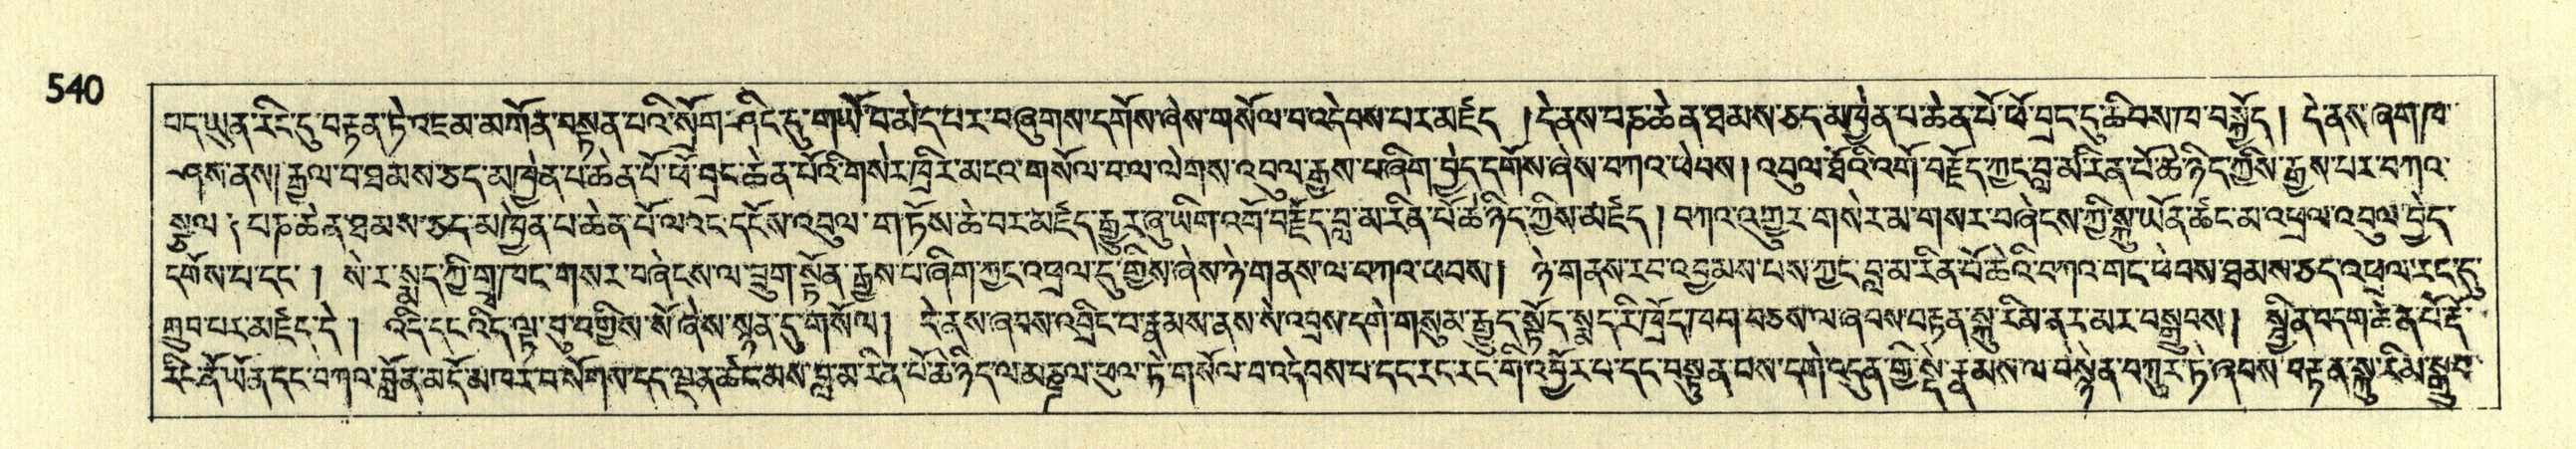བད་ཡུན་རིང་དུ་བརྟན་ཏེ་འཇམ་མགོན་བསྟན་པའི་སྲོག་ཤིང་དུ་གཡོ་བ་མེད་པར་བཞུགས་དགོས་ཞེས་གསོལ་བ་འདེབས་པར་མཛད་།དེ་ནས་པཎ་ཆེན་ཐམས་ཅད་མཁྱེན་པ་ཆེན་པོ་ཕོ་བྲང་དུ་ཆིབས་ཁ་བསྐྱོད། དེ་ནས་ཞག་ཁ་
ཤས་ནས། རྒྱལ་བ་ཐམས་ཅད་མཁྱེན་པ་ཆེན་པོ་ཕོ་བྲང་ཆེན་པོའི་གསེར་ཁྲིར་མངའ་གསོལ་བ་ལ་ལེགས་འབུལ་རྒྱས་པ་ཞིག་བྱེད་དགོས་ཞེས་བཀའ་ཕེབས། འབུལ་ཐོའི་འོག་བརྗོད་ཀྱང་བླ་མ་རིན་པོ་ཆེ་ཉིད་ཀྱིས་རྒྱས་པར་བཀའ་
སྩལ༑ པཎ་ཆེན་ཐམས་ཅད་མཁྱེན་པ་ཆེན་པོ་ལའང་དངོས་འབུལ་གཏོས་ཆེ་བར་མཛད་དུ་རྒྱུར་ཞུ་ཡིག་འགོ་བརྗོད་བླ་མ་རིན་པོ་ཆེ་ཉིད་ཀྱིས་མཛད། བཀའ་འགྱུར་གསེར་མ་གསར་བཞེངས་ཀྱི་སྐུ་ཡོན་ཚང་མ་འཕྲལ་འབུལ་བྱེད་
དགོས་པ་དང་། སེ་ར་སྨད་ཀྱི་གྲྭ་ཁང་གསར་བཞེངས་ལ་ཟུག་སྟོན་རྒྱས་པ་ཞིག་ཀྱང་འཕྲལ་དུ་གྱིས་ཞེས་ཉེ་གནས་ལ་བཀའ་ཕབས། ཉེ་གནས་རབ་འབྱམས་པས་ཀྱང་བླ་མ་རིན་པོ་ཆེའི་བཀའ་གང་ཕེབས་ཐམས་ཅད་འཕྲལ་རང་དུ་
གྲུབ་པར་མཛད་དེ། འདི་དང་འདི་ལྟ་བུ་བགྱིས་སོ་ཞེས་སྙན་དུ་གསོལ། དེ་ནས་ཞབས་འབྲིང་པ་རྣམས་ནས་སེ་འབྲས་དགེ་གསུམ་རྒྱུད་སྟོད་སྨད་རི་ཁྲོད་ཁག་བཅས་ལ་ཞབས་བརྟན་སྐུ་རིམ་ནར་མར་བསྒྲུབས། སྦྱིན་བདག་ཆེན་པོ་རྡོ་
རིང་ནོ་ཡོན་དང་བཀའ་བློན་མདོ་མཁར་བ་སོགས་དང་ལྡན་ཚང་མས་བླ་མ་རིན་པོ་ཆེ་ཉིད་ལ་མཎྜལ་ཕུལ་ཏེ་གསོལ་བ་འདེབས་པ་དང་རང་རང་གི་འབྱོར་པ་དང་བསྟུན་པས་དགེ་འདུན་གྱི་སྡེ་རྣམས་ལ་བསྙེན་བཀུར་ཏེ་ཞབས་བརྟན་སྐུ་རིམ་སྒྲུབ་